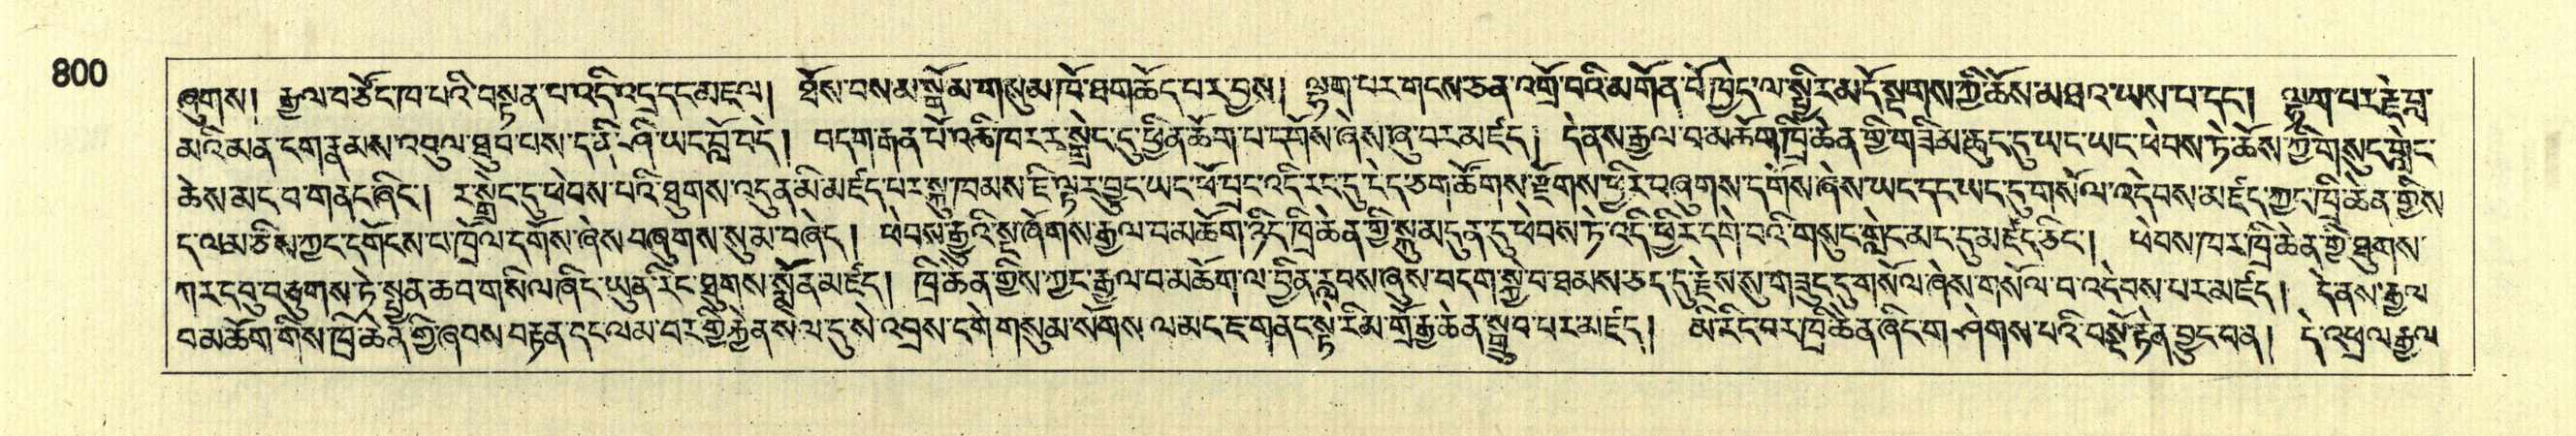ཞུགས། རྒྱལ་བ་ཙོང་ཁ་པའི་བསྟན་པ་འདི་འདྲ་དང་མཇལ། ཐོས་བསམ་སྒོམ་གསུམ་ཁོ་ཐག་ཆོད་པར་བྱས། ལྷག་པར་གངས་ཅན་འགྲོ་བའི་མགོན་པོ་ཁྱེད་ལ་སྤྱིར་མདོ་སྔགས་ཀྱི་ཆོས་མཐའ་ཡས་པ་དང་། ལྷག་པར་རྗེ་བླ་
མའི་མན་ངག་རྣམས་འབུལ་ཐུབ་པས་ད་ནི་ཤི་ཡང་བློ་བདེ། བདག་རྒན་པོ་འཆི་ཁར་རྭ་སྒྲེང་དུ་ཕྱིན་ཆོག་པ་དགོས་ཞེས་ཞུ་བར་མཛད། དེ་ནས་རྒྱལ་བ་མཆོག་གི་ཁྲི་ཆེན་གྱི་གཟིམ་ཆུང་དུ་ཡང་ཡང་ཕེབས་ཏེ་ཆོས་ཀྱི་གསུང་གླེང་
ཆེས་མང་བ་གནང་ཞིང་། ར་སྒྲེང་དུ་ཕེབས་པའི་ཐུགས་འདུན་མི་མཛད་པར་སྐུ་ཁམས་ཇི་ལྟར་བྱུང་ཡང་ཕོ་བྲང་འདི་རང་དུ་ངེད་ཅག་ཚོགས་རྫོགས་ཕྱིར་བཞུགས་དགོས་ཞེས་ཡང་དང་ཡང་དུ་གསོལ་འདེབས་མཛད་ཀྱང་ཁྲི་ཆེན་གྱིས་
ད་ལམ་ཅིས་ཀྱང་དགོངས་པ་ཁྲོལ་དགོས་ཞེས་བཞུགས་སུ་མ་བཞེད། ཕེབས་རྒྱུའི་སྔ་ཞོགས་རྒྱལ་བ་མཆོག་ཉིད་ཁྲི་ཆེན་གྱི་སྐུ་མདུན་དུ་ཕེབས་ཏེ་འདི་ཕྱིར་དགེ་བའི་གསུང་གླེང་མང་དུ་མཛད་ཅིང་། ཕེབས་ཁར་ཁྲི་ཆེན་གྱི་ཐུགས་
ཀར་དབུ་བཅུགས་ཏེ་སྤྱན་ཆབ་གསིལ་ཞིང་ཡུན་རིང་ཐུགས་སྨོན་མཛད། ཁྲི་ཆེན་གྱིས་ཀྱང་རྒྱལ་བ་མཆོག་ལ་བྱིན་རླབས་ཞུས་བདག་སྐྱེ་བ་ཐམས་ཅད་དུ་རྗེས་སུ་གཟུང་དུ་གསོལ་ཞེས་གསོལ་བ་འདེབས་པར་མཛད། དེ་ནས་རྒྱལ་
བ་མཆོག་གིས་ཁྲི་ཆེན་གྱི་ཞབས་བརྟན་དང་ལམ་བར་གྱི་རྐྱེན་སེལ་དུ་སེ་འབྲས་དགེ་གསུམ་སོགས་ལ་མང་ཇ་གནང་སྟེ་རིམ་གྲོ་རྒྱ་ཟྖེན་སྒྲུབ་པར་མཛད། མི་རིང་བར་ཁྲི་ཆེན་ཞིང་གཤེགས་པའི་བསྔོ་རྟེན་བྱུང་བ་ན། དེ་འཕྲལ་རྒྱལ་